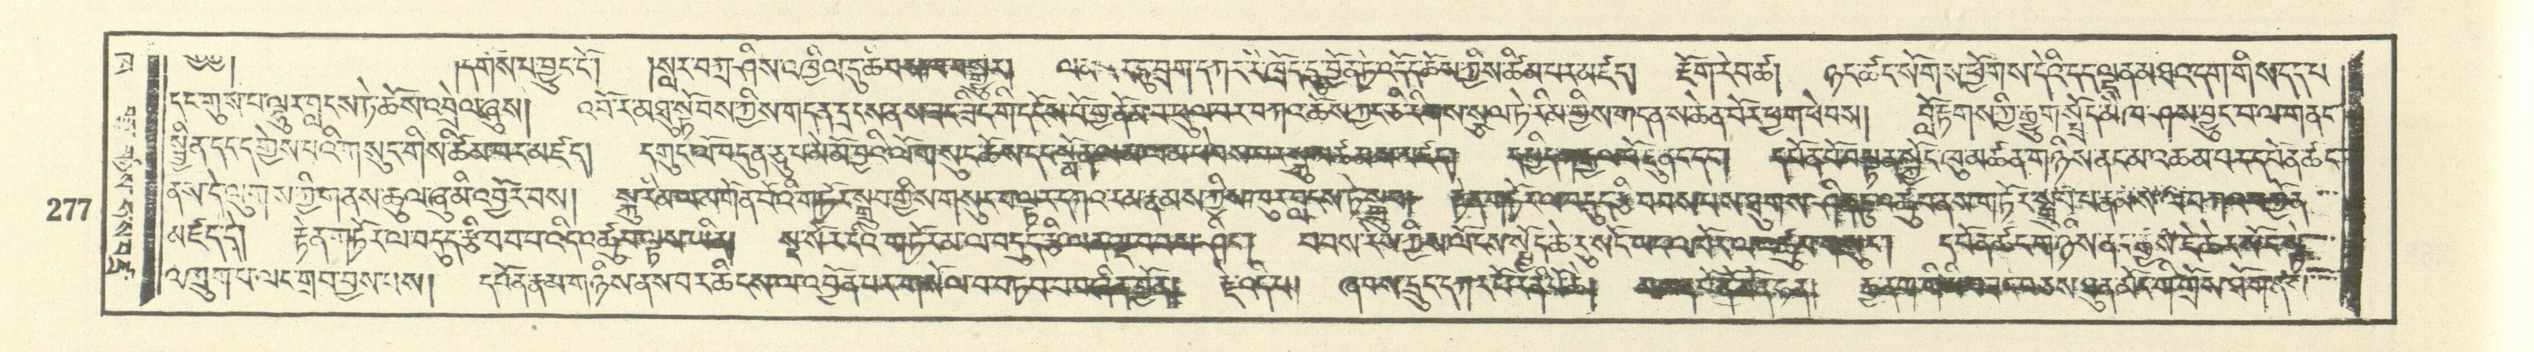༄༅། །དགོས་པ་བྱུང་ངོ། །སླར་བཀྲ་ཤིས་འཁྱིལ་དུ་ཆིབས་ཁ་བསྒྱུར། ལམ་བར་དུ་བྲག་དཀར་རི་ཁྲོད་དུ་བྱོན་ཏེ་འདོད་ཆོས་ཀྱིས་ཚིམ་པར་མཛད། རྡོག་རེབ་ཚ། ཉང་ཚང་སོགས་ཕྱོགས་དེའི་དད་ལྡན་མཐའ་དག་གིས་དད་པ་
དང་གུས་པ་ལྷུར་བླངས་ཏེ་ཆོས་འབྲེལ་ཞུས། འབོར་མཐུ་སྟོབས་ཀྱིས་གདན་དྲངས་ནས་ཟང་ཟིང་གི་དངོས་པོ་གྱ་ནོམ་པ་ཕུལ་བར་བཀའ་ཆོས་ཀྱང་ཅི་རིགས་སྩལ་ཏེ་རིམ་གྱིས་གདན་ས་ཆེན་པོར་ཕྱག་ཕེབས། བློ་རྟགས་ཀྱི་རྒྱུག་སྤྲོད་མི་ཁ་ཤས་བྱུང་བ་ལ་གནང་
སྦྱིན་དང་དགྱེས་པའི་གསུང་གིས་ཚིམ་པར་མཛད། དགུང་ལོ་བདུན་ཅུ་པ་མེ་མོ་བྱའི་ལོ་གསུང་ཆོས་དང་སྨོན་ལམ་ལམ་ཕེབས་པར་སྐུ་མཚམས་མཛད། དབྱིད་ཀ་རྒྱལ་པོ་ཇུ་ནང་དང་། དཔོན་པོ་བསྟན་སྐྱོང་ཁུ་མཚན་གཉིས་ནང་མ་འཆམ་པར་དཔོན་ཚང་
ནས་དེ་ལུགས་ཀྱི་གནས་ཆུལ་ཞུ་མི་འབྱོར་བས། སྐུ་རིམ་ལ་མགོན་པོའི་གཏོར་སྒྲུབ་གྱིས་གསུང་བ་ལྟར་དཀའ་རམ་རྣམས་ཀྱིས་ཁུར་བླངས་ཏེ་སྒྲུབ། རྟེན་གཏོར་ལ་བདུད་རྩི་བབས་པས་ཐུགས་ཤིན་ཏུ་འཚུབ་ནས་གཏོར་སྒྲུབ་པ་རྣམས་ལ་བཀའ་བཀྱོན་
མཛད་དེ། རྟེན་གཏོར་ལ་བདུད་རྩི་བབ་པ་འདི་འཚུབ་ལྟས་ཡིན། སྔ་སོར་ངའི་གཏོར་མ་ལ་བདུད་རྩི་ལན་ལྔ་བབས་ཤིང་། བབས་རེས་ཀྱིས་ལོངས་སྤྱོད་ཆེ་རུ་སོང་ཡང་འཁོར་ལ་འཚུབ་གསུང་། དཔོན་ཚང་གཉིས་ནང་རྒྱས་ཇེ་ཚེར་སོང་སྟེ་
འཁྲུག་པ་ལང་གྲབ་བྱས་པས། དཔོན་རྣམ་གཉིས་ནས་བར་ཆིངས་ལ་འབྱོན་པར་གསོལ་བ་བཏབ་པ་བཞིན་བྱོན། རྗེ་འདི་པ། ཞབས་དྲུང་དཀར་པོ་རིན་པོ་ཆེ། མཁན་པོ་ནོ་མོན་ཧན། རྒྱ་ནག་གི་མི་བཟང་བཅས་ཐུན་མོང་གི་གྲོས་ཐོག་ནས་